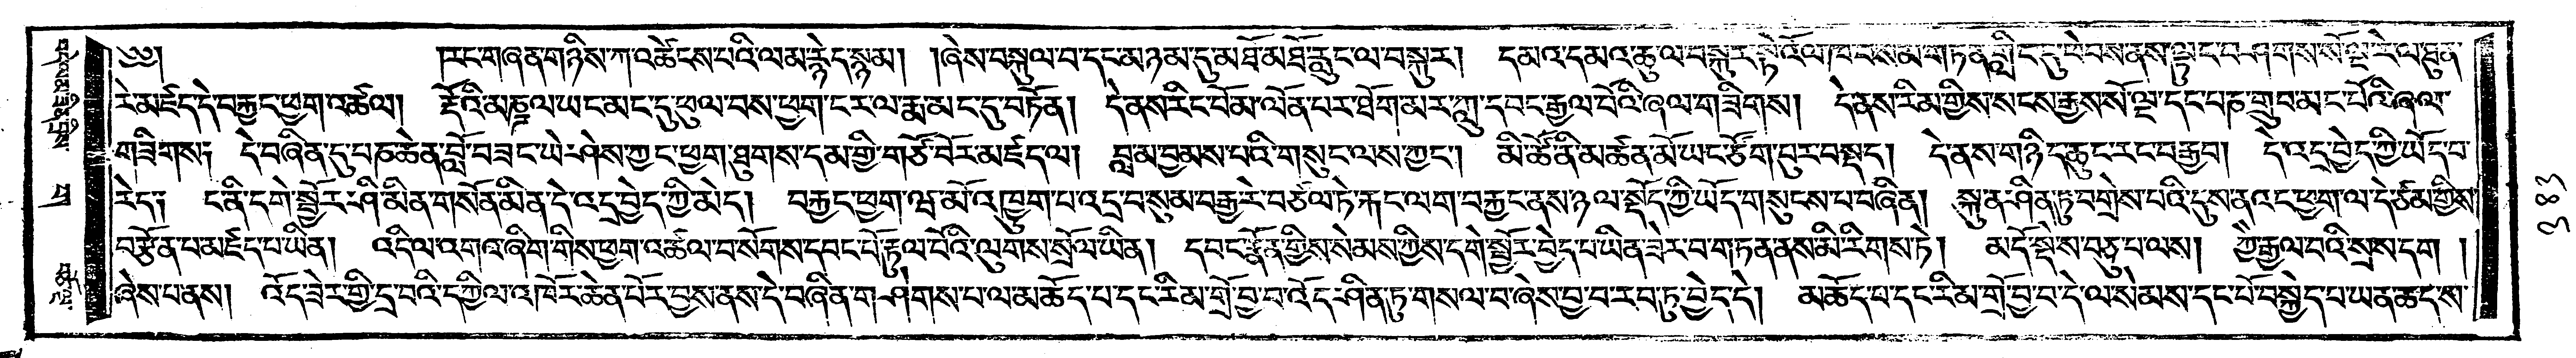༄༅། །རང་གཞན་གཉིས་ཀ་འཚེངས་པའི་ལམ་རྙེད་སྙམ། །ཞེས་བསྐུལ་བ་དང་མཉམ་དུ་མཐོ་མཐོ་རླུང་ལ་བསྐུར། དམའ་དམའ་ཆུ་ལ་བསྐུར་སྟེ་འོལ་ཁ་བསམ་གཏན་གླིང་དུ་ཕེབས་ནས་ལྟུང་བཤགས་ས་ལྔ་རེ་ལ་ཐུན་
རེ་མཛད་དེ་བརྐྱང་ཕྱག་འཚལ། རྡོའི་མཎྜལ་ཡང་མང་དུ་ཕུལ་བས་ཕྱག་ངར་ལ་རྨ་མང་དུ་བཏོན། དེ་ནས་རིང་པོ་མ་ལོན་པར་ཐོག་མར་ཀླུ་དབང་རྒྱལ་བོའི་ཞལ་གཟིགས། དེ་ནས་རིམ་གྱིས་སངས་རྒྱས་སོ་ལྔ་དང་པཎ་གྲུབ་མང་པོའི་ཞལ་
གཟིགས། དེ་བཞིན་དུ་པཎ་ཆེན་བློ་བཟང་ཡེ་ཤེས་ཀྱང་ཕྱག་ཐུགས་དམ་གྱི་གཙོ་བོར་མཛད་ལ། བླ་མ་བྱམས་པའི་གསུང་ལས་ཀྱང་། མི་ཚོ་ནི་མཚན་མོ་ཡང་ཙོག་པུར་བསྡང་། དེ་ནས་གཉིད་ཆུང་རང་བརྒྱབ། དེ་འདྲ་བྱེད་ཀྱི་ཡོད་པ་
རེད༑ ང་ནི་དགེ་སྦྱོར་ཤི་མིན་གསོན་མིན་ངེ་འདྲ་བྱེད་ཀྱི་མེད། བརྐྱང་ཕྱག་ཝ་མོ་འཁྱུག་པ་འདྲ་པ་སུམ་བརྒྱ་རེ་བཙལ་ཏེ་རྐང་ལག་བརྐྱང་ནས་ཉལ་སྡོད་ཀྱི་ཡོད་གསུངས་པ་བཞིན། སྐུ་ན་ཤིན་ཏུ་བགྲེས་པའི་དུས་ནའང་ཕྱག་ལ་དེ་ཙམ་གྱིས་
བརྩོན་པ་མཛད་པ་ཡིན། འདི་ལ་འགའ་ཞིག་གིས་ཕྱག་འཚལ་བ་སོགས་དབང་པོ་རྟུལ་བོའི་ལུགས་སྲོལ་ཡིན། དབང་རྣོན་གྱིས་སེམས་ཀྱིས་དགེ་སྦྱོར་བྱེད་པ་ཡིན་ཟེར་བ་གཏན་ནས་མི་རིགས་ཏེ། མདོ་སྡེས་བཅུ་པ་ལས། ཀྱི་རྒྱལ་བའི་སྲས་དག །
ཞེས་པ་ནས། འོད་ཟེར་གྱི་དྲ་བའི་དཀྱིལ་འཁོར་ཆེན་པོར་བྱས་ནས་དེ་བཞིན་གཤེགས་པ་ལ་མཆོད་པ་དང་རིམ་གྲོ་བྱ་བ་འོད་ཤིན་ཏུ་གསལ་བ་ཞེས་བྱ་བ་རབ་ཏུ་བྱེད་དེ། མཆོད་བ་དང་རིམ་གྲོ་བྱ་བ་དེ་ལ་སེམས་དང་བོ་བསྐྱེད་པ་ཡན་ཆད་ས་